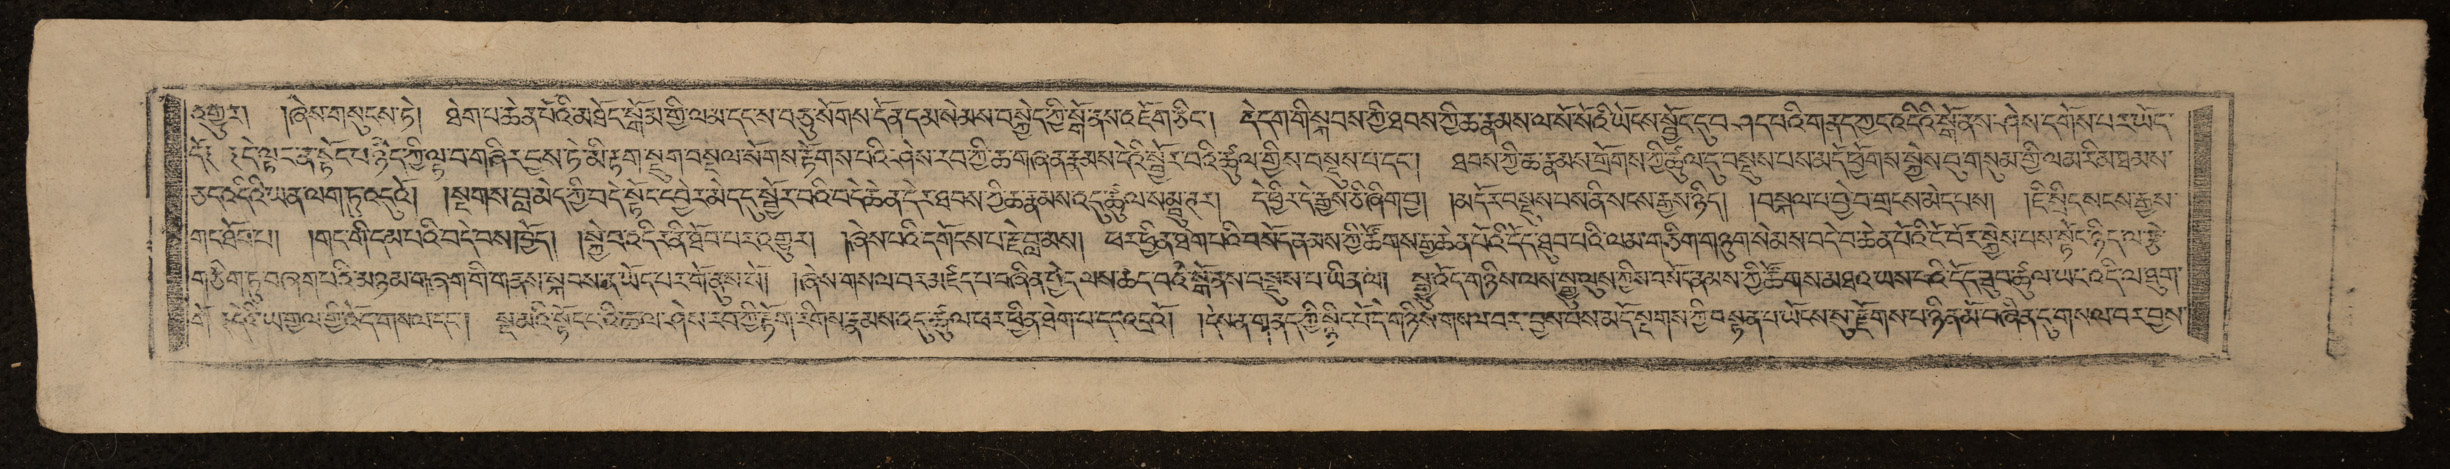འགྱུར། །ཞེས་གསུངས་ཏེ། ཐེག་པ་ཆེན་པོའི་མཐོང་སྒོམ་གྱི་ལམ་དང་ས་བཅུ་སོགས་དོན་དམ་སེམས་བསྐྱེད་ཀྱི་སྒོ་ནས་འཇོག་ཅིང་། དེ་དག་གི་སྐབས་ཀྱི་ཐབས་ཀྱི་ཆ་རྣམས་ལ་སོ་སོའི་ཡོངས་སྦྱོང་དུ་བཤད་བའི་གནད་ཀྱང་འདིའི་སྒོ་ནས་ཤེས་དགོས་པར་ཡོད་
དོ། །དེ་ལྟར་ན་སྟོང་པ་ཉིད་ཀྱི་ལྟ་བ་གཞིར་བྱས་ཏེ་མི་རྟག་སྡུག་བསྔལ་སོགས་རྟོགས་པའི་ཤེས་རབ་ཀྱི་ཆ་གཞན་རྣམས་དེའི་སྦྱོར་བའི་ཚུལ་གྱིས་བསྡུས་པ་དང་། ཐབས་ཀྱི་ཆ་རྣམས་གྲོགས་ཀྱི་ཚུལ་དུ་བསྡུས་བས་མདོ་ཕྱོགས་སྐྱེས་བུ་གསུམ་གྱི་ལམ་རིམ་ཐམས་
ཅད་འདིའི་ཡན་ལག་ཏུ་འདུའོ། །སྔགས་བླ་མེད་ཀྱི་བདེ་སྟོང་དབྱེར་མེད་དུ་སྦྱོར་བའི་བདེ་ཆེན་དེར་ཐབས་ཀྱི་ཆ་རྣམས་འདུ་ཚུལ་སམྦུ་ཊར། དེ་ཕྱིར་དེ་རྒྱས་ཅི་ཞིག་བྱ། །མདོར་བསྡུས་པས་ནི་སངས་རྒྱས་ཉིད། །བསྐལ་པ་བྱེ་བ་གྲངས་མེད་པས། །ཇི་སྲིད་སངས་རྒྱས་
གང་ཐོབ་པ། །གང་གི་དམ་པའི་བདེ་བས་ཁྱོད། །སྐྱེ་བ་འདིར་ནི་ཐོབ་པར་འགྱུར། །ཞེས་པའི་དགོངས་བ་རྗེ་བླ་མས། ཕར་ཕྱིན་ཐོག་པའི་བསོད་ནམས་ཀྱི་ཚོགས་རྒྱ་ཆེན་པོའི་དོད་ཐུབ་བའི་ལམ་གཅིག་གཉུག་སེམས་བདེ་བ་ཆེན་པོའི་ངོ་བོར་སྐྱེས་བས་སྟོང་ཉིད་ལ་རྩེ་
གཅིག་ཏུ་བཞག་པའི་མཉམ་གཞག་གི་གནས་སྐབས་ན་ཡོད་པར་གོ་ནུས་སོ། །ཞེས་གསལ་བར་མཛད་པ་བཞིན་བྱེད་ལས་ཚང་བའི་སྒོ་ནས་བསྡུས་པ་ཡིན་ལ། སྒྱུ་འོད་གཉིས་ལས་སྒྱུ་ལུས་ཀྱིས་བསོད་ནམས་ཀྱི་ཚོགས་མཐའ་ཡས་པའི་དོང་ཐུབ་ཚུལ་ཡང་འདི་ལ་ཐུག་
གོ༑ ༑དེའི་ཡ་གྱལ་གྱི་འོད་གསལ་དང་། སྔ་མའི་སྟོང་པའི་ཆ་ལ་ཤེས་རབ་ཀྱི་རྟོག་རིགས་རྣམས་འདུ་ཚུལ་ཕར་ཕྱིན་ཐེག་པ་དང་འདྲའོ། །ངེས་ན་གནད་ཀྱི་སྙིང་པོ་དེ་གཉིས་གསལ་བར་བྱས་པས་མདོ་སྔགས་ཀྱི་བསྟན་པ་ཡོངས་སུ་རྫོགས་པ་ཉིན་མོ་བཞིན་དུ་གསལ་བར་བྱས་